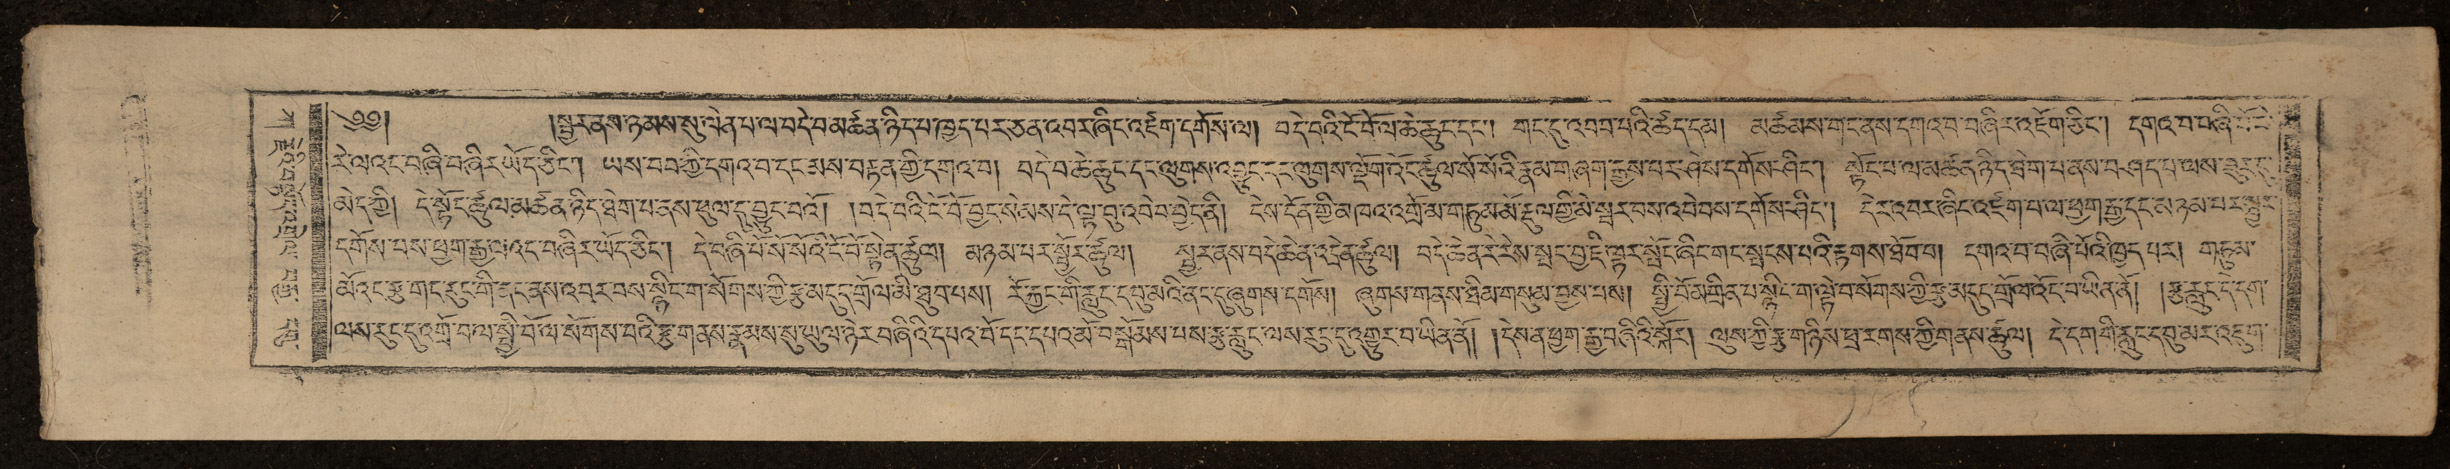༄༅། །སྦྱར་ནས་ཉམས་སུ་ལེན་བ་ལ་བདེ་བ་མཚན་ཉིད་པ་ཁྱད་པར་ཅན་འབར་ཞིང་འཛག་དགོས་ལ། བདེ་བའི་ངོ་བོ་ལ་ཆེ་ཆུང་དང་། གང་དུ་འབབ་པའི་ཚད་དམ། མཚམས་གང་ནས་དགའ་བ་བཞིར་འཇོག་ཅིང་། དགའ་བ་བཞི་པོར་
རེ་ལའང་བཞི་བཞིར་ཡོད་ཅིང་། ཡས་བབ་ཀྱི་དགའ་བ་དང་མས་བརྟན་གྱི་དགའ་བ། བདེ་བ་ཆེ་ཆུང་དང་ལུགས་འབྱུང་དང་ལུགས་ལྡོག་འོང་ཚུལ་སོ་སོའི་རྣམ་གཞག་རྒྱས་པར་ཤེས་དགོས་ཤིང་། སྟོང་པ་ལ་མཚན་ཉིད་ཐེག་པ་ནས་བཤད་པ་ལས་ཟུར་དུ་
མེད་ཀྱི། དེ་སྟོང་ཚུལ་མཚན་ཉིད་ཐེག་པ་ནས་ཕུལ་དུ་བྱུང་བའོ། །བདེ་བའི་ངོ་བོ་བྱང་སེམས་དེ་ལྟ་བུ་འབེབ་བྱེད་ནི། ངེས་དོན་གྱི་མཁའ་འགྲོ་མ་གཏུམ་མོ་རྡུལ་གྱི་མེ་སྦར་བས་འབེབས་དགོས་ཤིང་། དེར་འབར་ཞིང་འཛག་པ་ལ་ཕྱག་རྒྱ་དང་མཉམ་པར་སྦྱར་
དགོས་པས་ཕྱག་རྒྱ་ལའང་བཞིར་ཡོད་ཅིང་། དེ་བཞི་པོ་སོ་སོའི་ངོ་བོ་སྟེན་ཚུལ། མཉམ་པར་སྦྱོར་ཚུལ། སྦྱར་ནས་བདེ་ཆེན་འདྲེན་ཚུལ། བདེ་ཆེན་རེ་རེས་སྤང་བྱ་ཇི་ལྟར་སྤོང་ཞིང་གང་སྤངས་པའི་རྟགས་ཐོབ་བ། དགའ་བ་བཞི་པོའི་ཁྱད་པར། གཏུམ་
མོའང་རྩ་གང་རུང་གི་ནང་ནས་འབར་བས་སྙིང་ག་སོགས་ཀྱི་རྩ་མདུད་གྲོལ་མི་ཐུབ་པས། རོ་རྐྱང་གི་རླུང་དབུ་མའི་ནང་དུ་ཞུགས་དགོས། ཞུགས་གནས་ཐིམ་གསུམ་བྱས་པས། སྤྱི་བོ་མགྲིན་པ་སྙིང་ག་ལྟེ་བ་སོགས་ཀྱི་རྩ་མདུད་གྲོལ་འོང་པ་ཡིན་ནོ། །རྩ་རླུང་དེ་དག་
ལས་རུང་དུ་འགྲོ་བ་ལ་སྦྱི་བོ་ལ་སོགས་པའི་རྩ་གནས་རྣམས་སུ་ཡུལ་ཉེར་བཞིའི་དཔའ་བོ་དང་དཔའ་མོ་བསྒོམས་པས་རྩ་རླུང་ལས་རུང་དུ་འགྱུར་བ་ཡིན་ནོ། །དེས་ན་ཕྱག་རྒྱ་བཞིའི་སྐོར། ལུས་ཀྱི་རྩ་གཉིས་ཕྲ་རགས་ཀྱི་གནས་ཚུལ། དེ་དག་གི་རླུང་དབུ་མར་འཇུག་